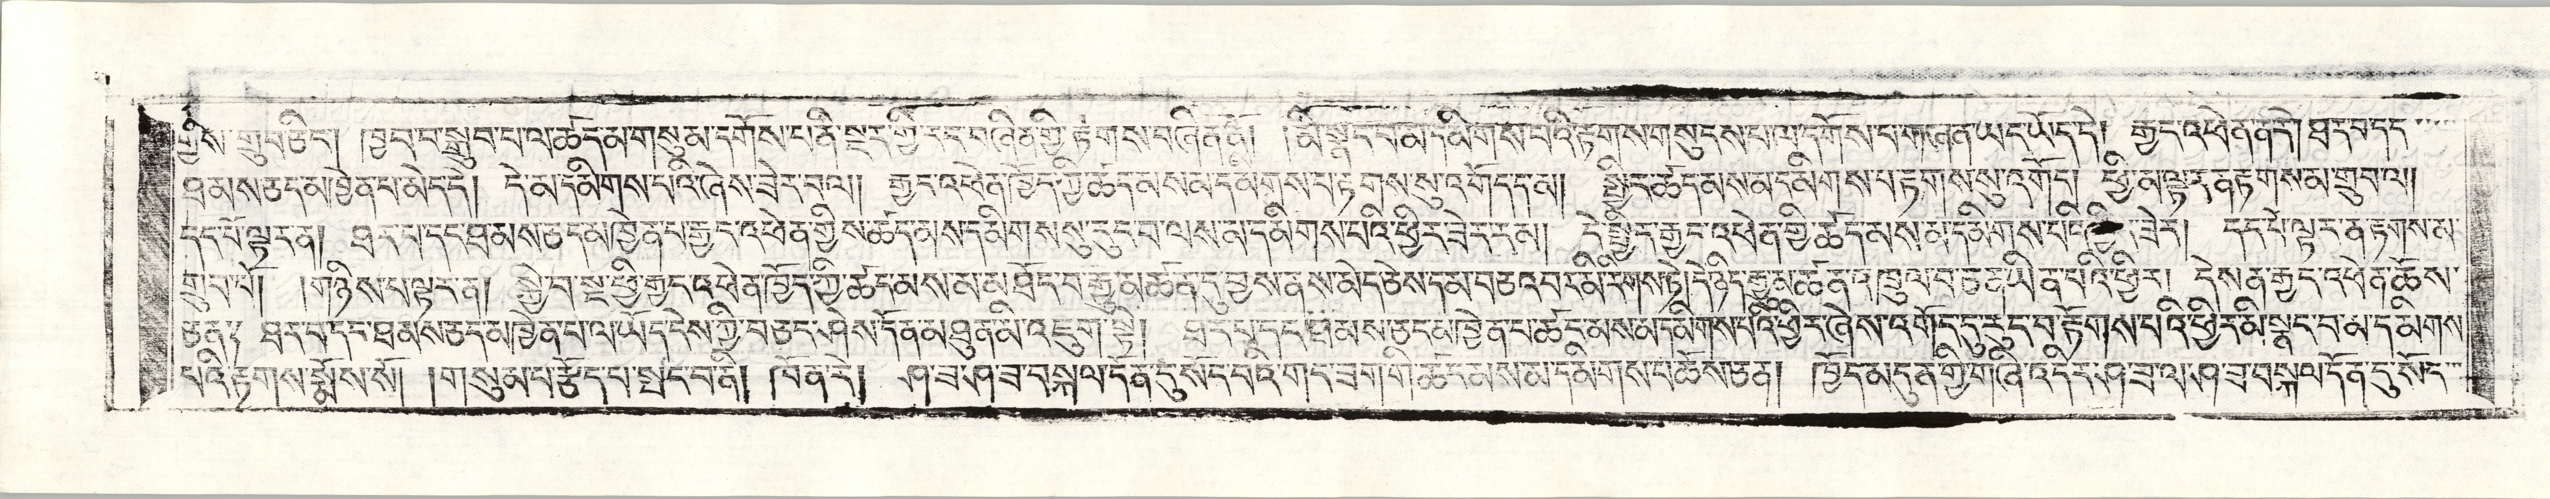གྱིས་གྲུབ་ཅིང་། ཁྱབ་པ་སྒྲུབ་པ་ལ་ཚད་མ་གསུམ་དགོས་པ་ནི་སྔར་གྱི་རང་བཞིན་གྱི་རྟགས་བཞིན་ནོ།། མི་སྣང་བ་མ་དམིགས་པའི་རྟགས་གསུངས་པ་ལ་དགོས་པ་གཞན་ཡང་ཡོད་དེ། རྒྱང་འཕེན་པ་ན་རེ། ཐར་བ་དང་
ཐམས་ཅད་མཁྱེན་པ་མེད་དེ། དེ་མ་དམིགས་པའི་ཕྱིར་ཞེས་ཟེར་བ་ལ། རྒྱང་འཕེན་པ་ཁྱོད་ཀྱི་ཚད་མས་མ་དམིགས་པ་རྟགས་སུ་འགོད་དམ། སྤྱིར་ཚད་མས་མ་དམིགས་པ་རྟགས་སུ་འགོད། ཕྱི་མ་ལྟར་ན་རྟགས་མ་གྲུབ་ལ།
དང་པོ་ལྟར་ན། ཐར་པ་དང་ཐམས་ཅད་མཁྱེན་པ་རྒྱང་འཕེན་གྱིས་ཚད་མས་དམིགས་སུ་རུང་བ་ལས་མ་དམིགས་པའི་ཕྱིར་ཟེར་རམ། དེ་སྤྱིར་རྒྱང་འཕེན་གྱི་ཚད་མས་མ་དམིགས་པའི་ཕྱིར་ཟེར། དང་པོ་ལྟར་ན་རྟགས་མ་
གྲུབ་པོ། །གཉིས་པ་ལྟར་ན། སྐྱེ་བ་སྔ་ཕྱི་རྒྱང་འཕེན་ཁྱོད་ཀྱི་ཚད་མས་མ་མཐོང་བ་རྒྱུ་མཚན་དུ་བྱས་ནས་མེད་ཅེས་དམ་བཅའ་བར་མི་རིགས་ཏེ། དེ་ཉིད་རྒྱུ་མཚན་འཁྲུལ་བ་ཅན་ཡིན་པའི་ཕྱིར། དེས་ན་རྒྱང་འཕེན་པ་ཆོས་
ཅན། ཐར་བ་དང་ཐམས་ཅད་མཁྱེན་པ་ལ་ཡོད་ངེས་ཀྱི་བཅད་ཤེས་དོན་མཐུན་མི་འཇུག་སྟེ། ཐར་པ་དང་ཐམས་ཅད་མཁྱེན་པ་ཚད་མས་མ་དམིགས་པའི་ཕྱིར་ཞེས་འགོད་དུ་རུང་བ་རྟོགས་པའི་ཕྱིར་མི་སྣང་བ་མ་དམིགས་
པའི་རྟགས་སྨོས་སོ། །གསུམ་པ་རྩོད་པ་སྤོང་བ་ནི། ཁོ་ན་རེ། ཤ་ཟ་ཤ་ཟ་བསྐལ་དོན་དུ་སོང་བའི་གང་ཟག་གི་ཚད་མས་མ་དམིགས་པ་ཆོས་ཅན། ཁྱོད་མདུན་གྱི་གཞི་འདིར་ཤ་ཟ་ལ་ཤ་ཟ་བསྐལ་དོན་དུ་སོང་